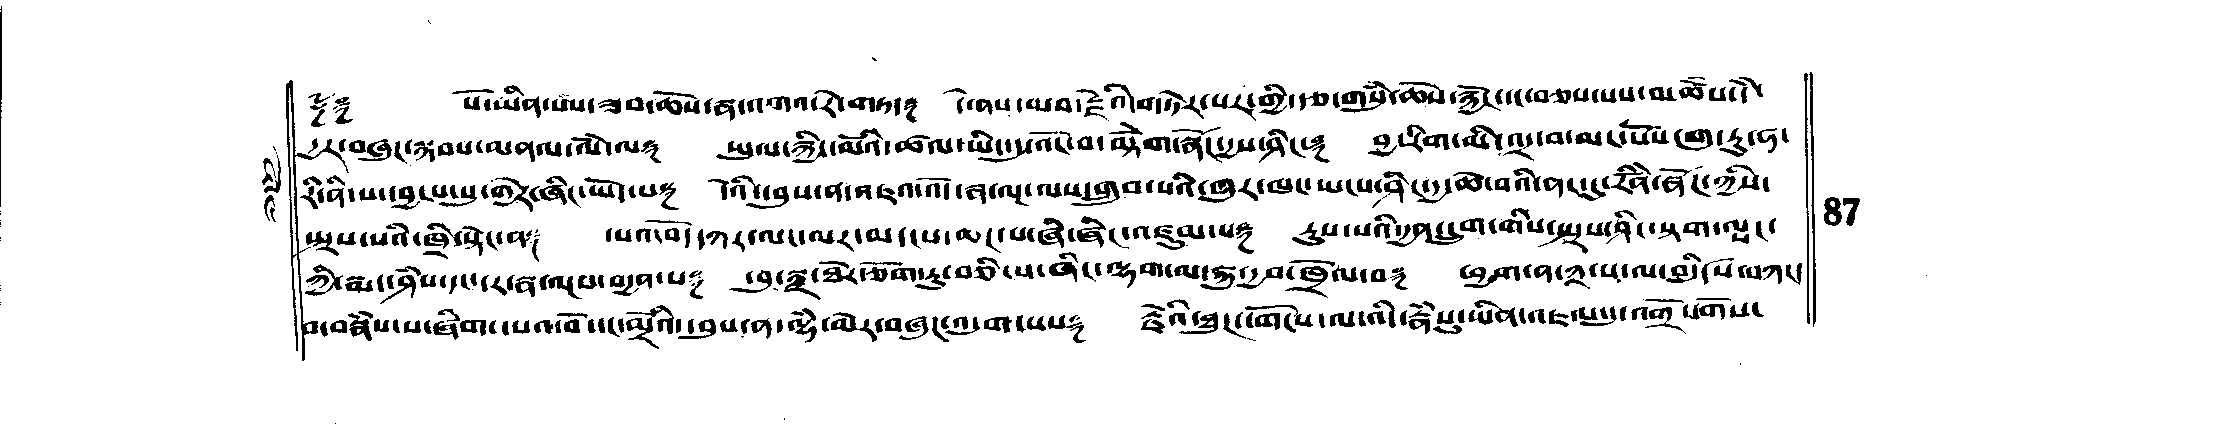པོ་ཡིན་པས་ཟབ་ཆོས་སྣ་འགའ་རེ་གཏད། དེ་ནས་ཡབ་རྗེའི་གཏེར་གསར་གྱི་རྩ་གསུམ་ཆོས་སྐྱོང་དང་བཅས་པས་མཚམས་དམ་
རྒྱར་བཞུགས་སྐབས་མནལ་ལམ་ལ། ཡུལ་སྐྱེད་མོས་ཚལ་ཡིད་དུ་འོང་བ་མེ་ཏོག་སྣ་ཚོགས་རྒྱས་ཤིང་། བྱ་རིགས་མི་འདྲ་བ་མང་པོས་གུ་རུ་ཧ་
རི་ནི་ས་དབྱངས་སུ་གྱེར་ཞིང་ཡོད་པ།དེའི་དབུས་ན་འཇའ་འོད་སྣ་ལྔ་ལས་གྲུབ་པའི་གུར་ཁང་ཡངས་ཤིང་རྒྱ་ཆེ་བའི་ནང་དུ་རིན་པོ་ཆེ་སྣ་ཚོགས་ཀྱིས་
སྤྲས་པའི་ཁྲི་སྟེང་ན། དཔའ་བོ་དཀར་ལ་དམར་མདངས་ཆགས་པ་ཞི་ཞིང་འཛུམ་པ། རུས་པའི་རྒྱན་དྲུག་གིས་སྤྲས་ཤིང་སྟག་ལྤགས་
ཀྱི་སྨད་ཤམ་དང་དར་སྣ་ལྔས་རྒྱན་པ། དབུ་སྐྲ་ཐོར་ཅོག་ཏུ་བཅིངས་ཤིང་ལྷག་མ་སྐུ་རྒྱབ་ཁྲོལ་བ། ཕྱག་ན་ཀཱ་པ་ལ་བདུད་རྩིས་བཀང་
བ་བསྣམས་པ་ཞིག་དཔའ་བོ་དང་མཁའ་འགྲོའི་དབུས་ན་ལྷམ་མེར་བཞུགས་འདུག་པས། རྗེའི་ཐུགས་དགོངས་ལ་འདི་རྣམས་སུ་ཡིན་མཇལ་དུ་འགྲོ་དགོས་